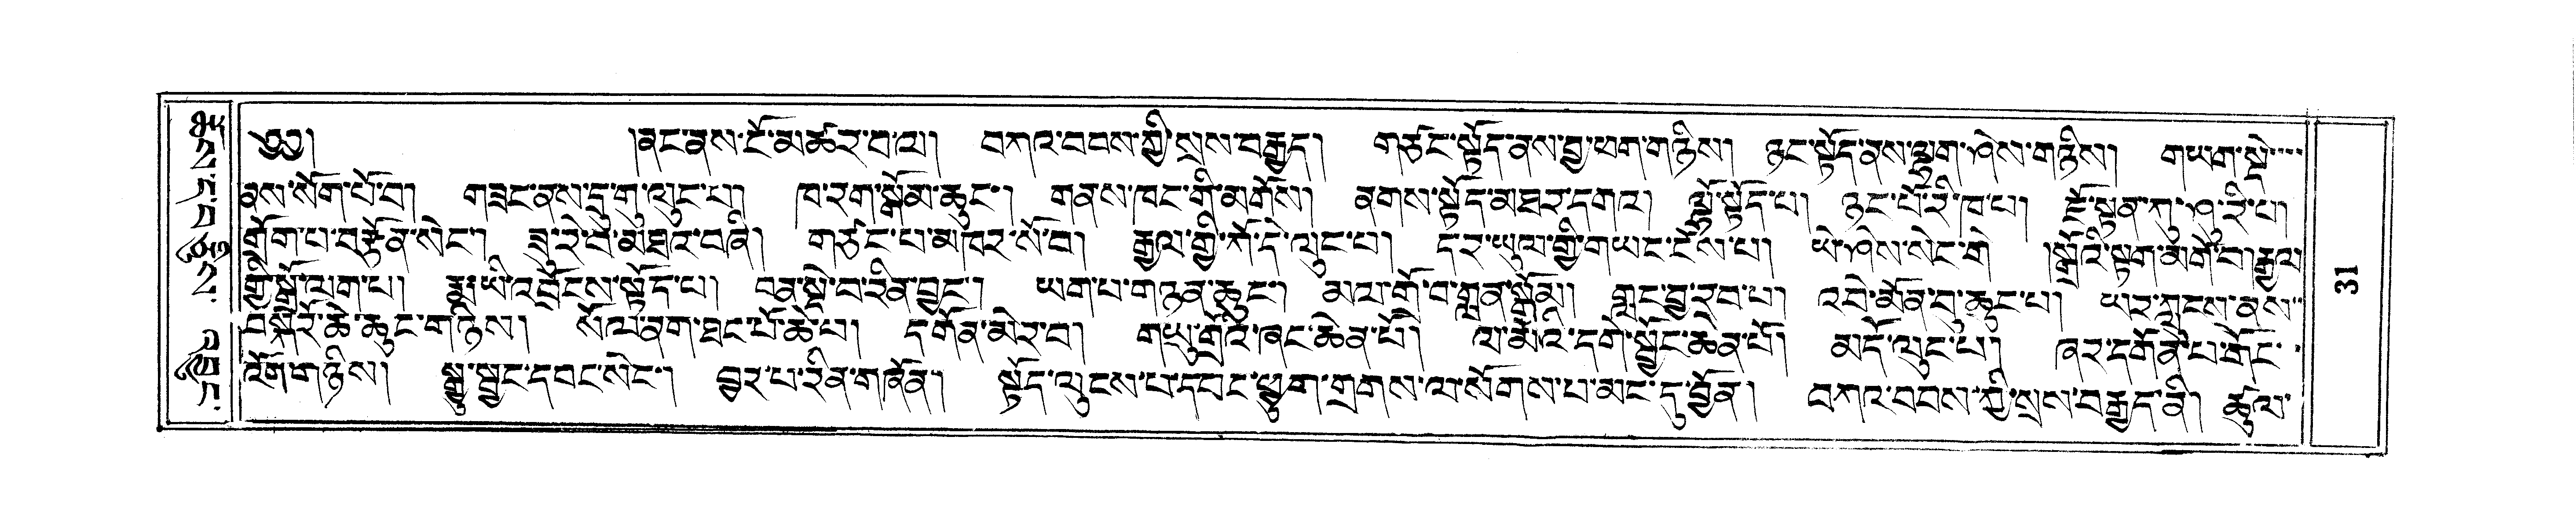༄༅། །ནང་ནས་ངོ་མཚར་བ་ལ། བཀའ་བབས་ཀྱི་སྲས་བརྒྱད། གཙང་སྟོད་ནས་བྱ་ཕག་གཉིས། ཉང་སྟོད་ནས་ལྷག་ཤེས་གཉིས། གཡག་སྡེ་
ནས་སོག་པོ་བ། གཟང་ནས་དྲུ་གུ་ལུང་པ། ཁ་རག་སྒོམ་ཆུང་། གནས་ཁང་གི་མགོས། ནགས་སྟོད་མཐར་དགའ། ལྷོ་སྟོད་པ། ཉང་པོ་རི་ཁ་པ། ཇོ་སྟན་ཀུ་ཤུ་རི་པ།
གྲོག་པ་བརྩོན་སེང་། ཟུ་རེ་བ་མཐའ་བཞི། གཙང་པ་མཁར་སོ་བ། རྒྱལ་གྱི་ཀོ་དེ་ལུང་པ། དར་ཡུལ་གྱི་གཡང་ངོས་པ། ཡེ་ཤེས་སེངྒེ །སྒྲོའི་སྟག་མགོ་བ་།རྒྱལ་
གྱི་སྒྲོ་ལག་པ། རྨ་ཡི་འབྲོངས་སྟོད་པ། བན་སྡེ་བ་རིན་བྱང་། ཡག་པ་གཉན་ཆུང་། མལ་གྲོ་བ་གླན་སྒོམ། གླང་བྱ་རབ་པ། འབེ་མོན་བུ་ཆུང་པ། ཡར་ཀླུངས་ནས་
བསྐོར་ཆེ་ཆུང་གཉིས། སོལ་ནག་ཐང་པོ་ཆེ་པ། དགོན་མེར་བ། གཡུ་གྲོའི་ཞང་ཆེན་པོ། ལ་མོའི་དགེ་སྦྱོང་ཆེན་པོ། མདོ་ལུང་པ། ཞར་དགོན་པ་གོང་
འོག་གཉིས། སྒྱུ་སྦྱང་དབང་སེང་། བྱར་པ་རིན་གཞོན། སྟོད་ལུངས་པ་དབང་ཕྱུག་གྲགས་ལ་སོགས་པ་མང་དུ་བྱོན། བཀའ་བབས་ཀྱི་སྲས་བརྒྱད་ནི། ཚུལ་